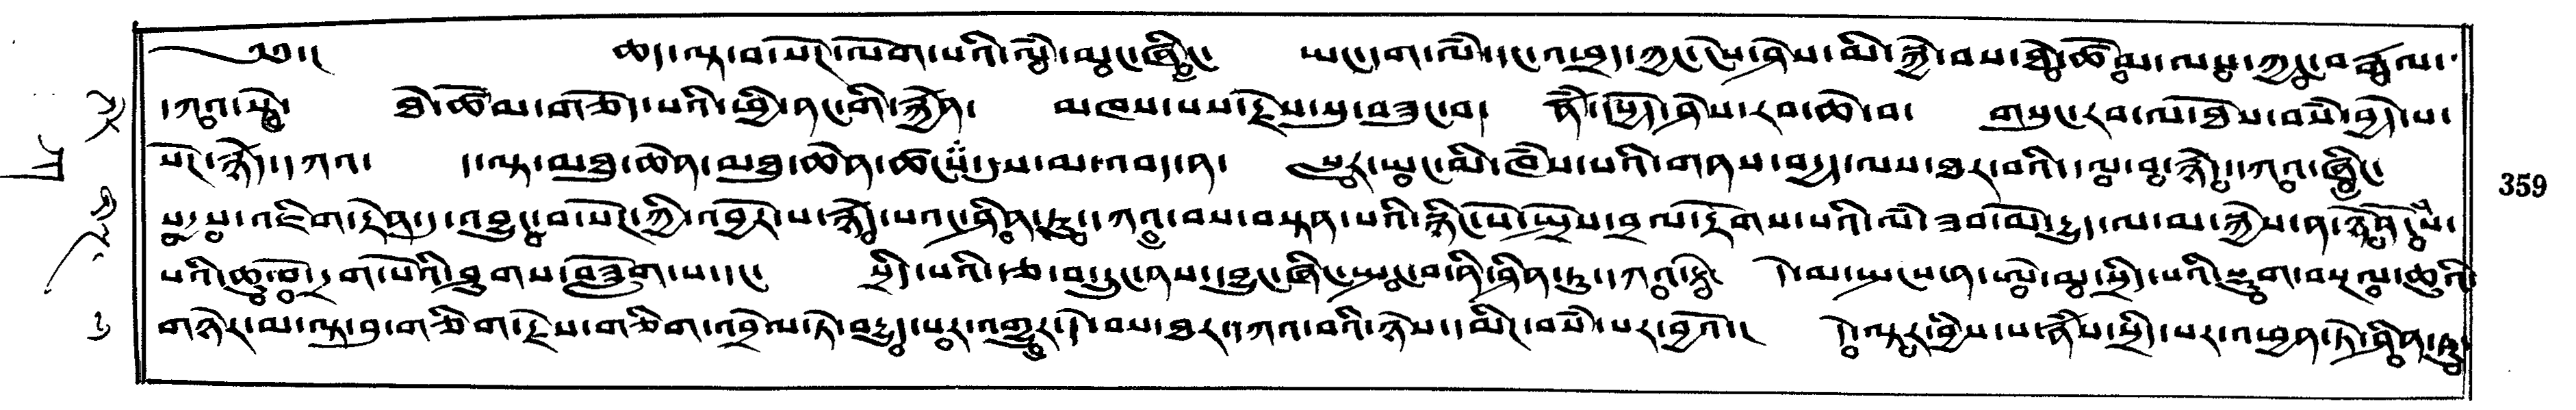ཆད་ལྟ་བ་སོགས་ལོག་པའི་ལམ་མང་ཞིང་། ཡང་དག་ལམ་དང་འཕྲད་ཀྱང་ངེས་ཤེས་མི་སྐྱེ་བས་ཐེ་ཚོམ་ལས་ཀྱང་བརྒལ་
དཀའ་སྟེ། ཐེ་ཚོམ་གཅོད་པའི་ཕྱི་ནང་གི་རྐྱེན་མཁས་པས་རྗེས་སུ་བཟུང་བ། རྣམ་དཔྱོད་ཤེས་རབ་ཆེ་བ། གསུང་རབ་ལ་ཐོས་བསམ་བྱེད་པ་
སོགས་རྙེད་དཀའ། ད་ལྟ་མཐུ་ཆེན་ཚང་དུས་མ་འབད་ན། སླར་ཡང་མི་ཁོམས་པའི་གནས་བརྒྱད་ལས་ཐར་བའི་དལ་བ་རྙེད་དཀའ་ཞིང་། 
སངས་རྒྱས་འཇིག་རྟེན་དུ་འབྱུང་བ་སོགས་ཀྱི་འབྱོར་པ་རྙེད་པའང་ཤིན་ཏུ་དཀའ་བས་བསྟན་པའི་སྙིང་པོ་སྤྲོས་བྲལ་རྟོགས་པའི་ལམ་ཟབ་མོ་རྒྱུད་ལ་མ་སྐྱེས་ན་ཉོན་མོངས་པའི་
ཆུ་བོ་དྲག་པོའི་ཤུགས་བཟློག་པ་དང་། སྲིད་པའི་རྩ་བ་དྲུང་ནས་དབྱུང་ཞིང་སྤང་བ་ནི་ཤིན་ཏུ་དཀའ་སྟེ། དེ་མ་སྤངས་ན་ཨེ་མ་སྲིད་པའི་སྡུག་བསྔལ་ཆུའི་
གཉེར་མ་ལྟ་བུ་གཅིག་རྗེས་གཅིག་འབྲེལ་ཏེ་བརྒྱུད་པར་འགྱུར། དེ་བས་ཐར་དཀའ་བའི་ཉེས་དམིགས་བསམ་པར་བྱའོ།། དེ་ལྟར་བྱིས་པ་རྣམས་སྲིད་པར་འཕྱན་ཏེ་ཤིན་ཏུ་